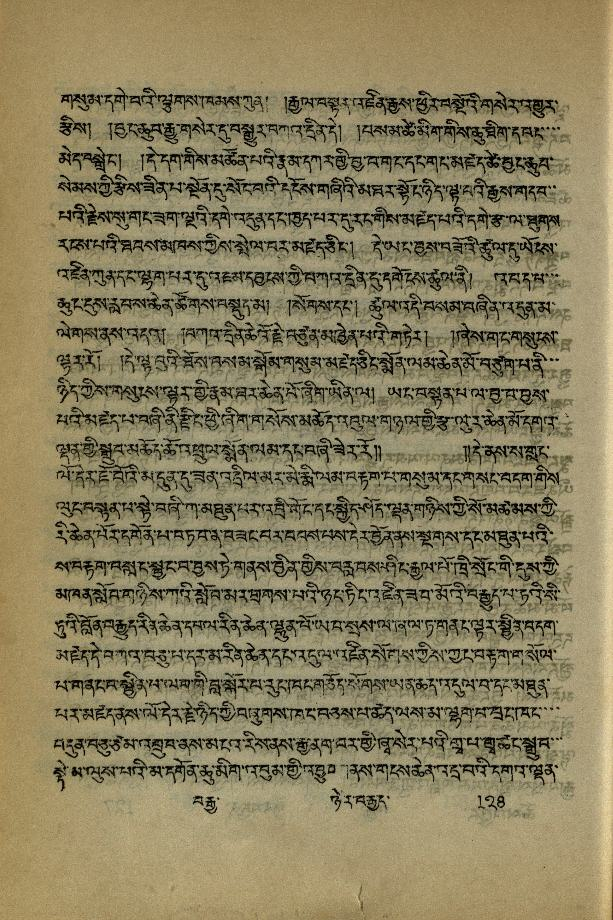གསུམ་དགེ་བའི་ལྕགས་ཁམས་ཀུན། །རྒྱལ་བསྟན་འཛིན་རྒྱས་ཕྱིར་བསྔོའི་གསེར་འགྱུར་
རྩིས། །བྱང་ཆུབ་རྒྱུ་གསེར་དུ་བསྒྱུར་བཀའ་དྲིན་དེ། །བསམ་ཚེ་མིག་གིས་ཆུ་ཐིག་དབང་
མེད་བསྒྲེང་། །དེ་དག་གིས་མཚོན་པའི་རྣམ་དཀར་གྱི་བྱ་བ་གང་དང་གང་མཛད་ཚེ་བྱང་ཆུབ་
སེམས་ཀྱི་རྩིས་ཟིན་པ་སྔོན་དུ་སོང་བའི་དངོས་གཞིའི་མཐར་སྟོང་ཉིད་ལྟ་བའི་རྒྱས་གདབ་
པའི་རྗེས་སུ་གང་ཟག་ལྔའི་དགེ་འདུན་དང་ཁྱད་པར་དུ་རང་གིས་མཛད་པའི་དགེ་རྩ་ལ་ཐུགས་
རངས་པའི་ཐབས་མཁས་ཀྱིས་སྤེལ་བར་མཛད་ཅིང་། དེ་ཡང་བྱས་བཟོའི་ཚུལ་དུ་ཡོངས་
འཛིན་ཀུན་དང་ལྷག་པར་དུ་འཇམ་དབྱངས་ཀྱི་བཀའ་དྲིན་དུ་དགོངས་ཚུལ་ནི། འབད་པ་
ཆུང་དུས་རླབས་ཆེན་ཚོགས་བསྡུད་མ། །སོགས་དང་། ཚུལ་འདི་བསམ་བཞིན་འདུན་མ་
ལེགས་ནས་འདའ། །བཀའ་དྲིན་ཆེའོ་རྗེ་བཙུན་མཁྱེན་པའི་གཏེར། །ཞེས་གང་གསུངས་
ལྟར་རོ། །དེ་ལྟ་བུའི་ཐོས་བསམ་སྒོམ་གསུམ་མཛད་ཅིང་སྨོན་ལམ་ཆེན་མོ་བཙུག་པ་ནི་
ཉིད་ཀྱིས་གསུངས་ལྟར་གྱི་རྣམ་ཐར་ཆེན་པོ་ཞིག་ཡིན་ལ། ཡང་བསྟན་པ་ལ་བྱ་བ་བྱས་
པའི་མཛད་པ་བཞི་ནི་རྫིང་ཕྱི་ཞིག་གསོས་མཆོད་འབུལ་གཉལ་གྱི་རྩ་ལུ་ར་ཆེན་མོ་དགའ་
ལྡན་གྱི་སྒྲུབ་མཆོད་ཆོ་འཕྲུལ་སྨོན་ལམ་དང་བཞི་ཟེར་རོ།། །།དེ་ནས་ས་གླང་
ལོ་དེར་ཇོ་བོའི་མདུན་དུ་ཟན་འདྲིལ་མར་མེ་རྨི་ལམ་བརྟག་པ་གསུམ་དང་གསང་བདག་གིས་
ལུང་བསྟན་པ་སྟེ་བཞི་ཀ་མཐུན་པར་འབྲི་གོང་དང་སྐྱིད་ཤོད་ལྡན་གཉིས་ཀྱི་སོ་མཚམས་ཀྱི་
རི་ཆེན་པོར་དགོན་པ་བཏབ་ན་བཟང་བར་བབས་པས་དེར་བྱོན་ནས་སྔགས་དང་མཐུན་པའི་
ས་བརྟག་བསླང་སྦྱང་བ་བྱས་ཏེ་གནས་བྱིན་གྱིས་བརླབས་ཤིང་རྒྱལ་པོ་ཁྲི་སྲོང་གི་དུས་ཀྱི་
མཁན་སློབ་གཉིས་ཀའི་སློབ་མར་གྲགས་པའི་ཉང་ཏིང་འཛིན་ཟབ་མོའི་བརྒྱུད་པ་ཏའི་སི་
ཏུའི་བློན་བརྒྱུན་རིན་ཆེན་དཔལ་རིན་ཆེན་ལྷུན་པོ་ཡབ་སྲས་ལ་ཞལ་ཏ་གནང་ལྟར་སྦྱིན་བདག་
མཛད་དེ་བཀའ་བཅུ་པ་དར་མ་རིན་ཆེན་དང་འདུལ་འཛིན་སོགས་ཀྱིས་ཀྱང་བརྟག་གསོལ་
པ་གནང་བ་སྦྱིན་པ་ལག་གི་བླ་སྐོར་བ་རུང་ཁང་གཅོད་སོགས་ཡན་ཆད་འདུལ་བ་དང་མཐུན་
པར་མཛད་ནས་ལོ་དེར་རྗེ་ཉིད་ཀྱི་བཞུགས་ཁང་བཅས་པ་ཚད་ལས་མ་ལྷག་པ་བྲང་ཁང་
བདུན་བཅུ་ཙམ་འབྲུབ་ནས་མངའ་རིས་ནས་རྒྱ་ནག་བར་གྱི་ཞྭ་སེར་པའི་གྲྭ་པ་གྲྭ་ཚང་སྒྲུབ་
སྡེ་མ་ལུས་པའི་མ་དགོན་ཆུ་མིག་འབུམ་གྱི་འབྱུག་གནས་གངས་ཆེན་འདྲ་བའི་དགའ་ལྡན་